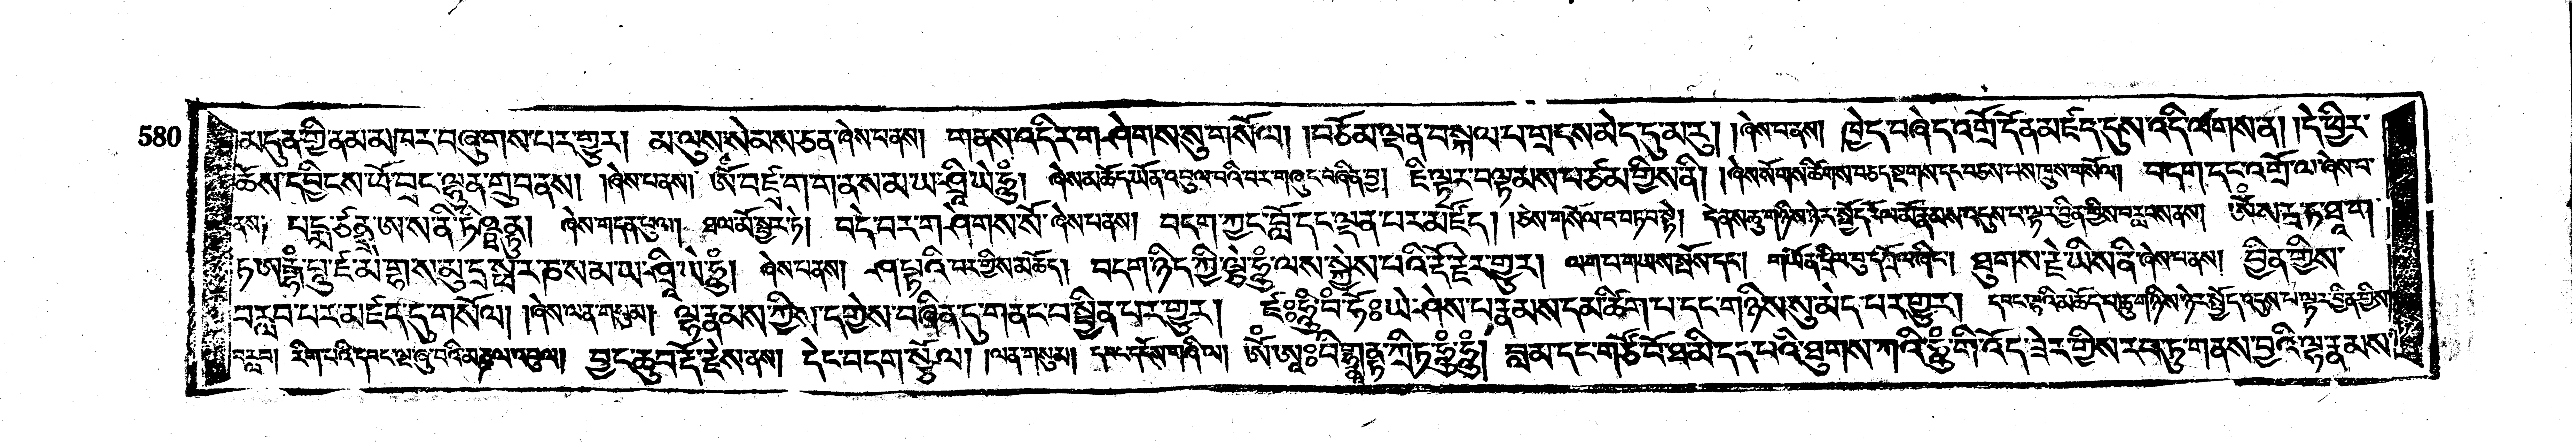མདུན་གྱི་ནམ་མཁར་བཞུགས་པར་གྱུར། མ་ལུས་སེམས་ཅན་ཞེས་པ་ནས། གནས་འདིར་གཤེགས་སུ་གསོལ། །བཅོམ་ལྡན་བསྐལ་པ་གྲངས་མེད་དུ་མ་རུ། །ཞེས་པ་ནས།  ཁྱེད་བཞེད་འགྲོ་དོན་མཛད་དུས་འདི་ལགས་ན། །དེ་ཕྱིར་
ཆོས་དབྱིངས་ཕོ་བྲང་ལྷུན་གྲུབ་ནས། །ཞེས་པ་ནས།  ཨོཾ་བཛྲ་ག་ག་ན་ས་མ་ཡ་ཤྲཱི་ཡེ་ཧཱུཾ། ཞེས་མཆོད་ཡོན་འབུལ་བའི་བར་གཞུང་བཞིན་བྱ།  ཇི་ལྟར་བལྟམས་པ་ཙམ་གྱིས་ནི། །ཞེས་སོགས་ཚིགས་བཅད་སྔགས་དང་བཅས་པས་ཁྲུས་གསོལ།  བདག་དང་འགྲོ་ལ་ཞེས་པ་
ནས༑ པདམ་ཙནྡྲ་ཨ་ས་ནི་ཏིཥཊཿཨནྟུ། ཞེས་གདན་ཕུལ། ཐལ་མོ་སྦྱར་ཏེ།  བདེ་བར་གཤེགས་སོ་ཞེས་པ་ནས།  བདག་ཀྱང་བློ་དང་ལྡན་པར་མཛོད། །ཅེས་གསོལ་བ་བཏབ་སྟེ། དེ་ནས་ཆུ་གཉིས་ཉེར་སྤྱོད་རོལ་མོ་རྣམས་འདུས་པ་ལྟར་བྱིན་གྱིས་བརླབས་ནས།  ཨོཾ་སརྦ་ཏ་ཐཱ་ག་
ཏ་ཨརྒྷཾ་པཱུ་ཛ་མ་གྷ་ས་མུ་དྲ་སྥ་ར་ཎ་ས་མ་ཡ་ཤྲཱི་ཡེ་ཧཱུཾ། ཞེས་པ་ནས།  ཤཔྟའི་བར་གྱིས་མཆོད།  བདག་ཉིད་ཀྱི་ལྕེ་ཧཱུཾ་ལས་སྐྱེས་པའི་རྡོ་རྗེར་གྱུར། ལག་པ་གཡས་སྤོས་དང་། གཡོན་དྲིལ་བུ་དཀྲོལ་ཞིང་།  ཐུགས་རྗེ་ཡིས་ནི་ཞེས་པ་ནས།  བྱིན་གྱིས་
བརླབ་པར་མཛད་དུ་གསོལ། །ཞེས་ལན་གསུམ།  ལྷ་རྣམས་ཀྱིས་དགྱེས་བཞིན་དུ་གནང་བ་སྦྱིན་པར་གྱུར། ཛཿཧཱུཾ་བཾ་ཧོཿ ཡེ་ཤེས་པ་རྣམས་དམ་ཚིག་པ་དང་གཉིས་སུ་མེད་པར་གྱུར། དབང་ལྷའི་མཆོད་པ་ཆུ་གཉིས་ཉེར་སྤྱོད་འདུས་པ་ལྟར་ཡིན་གྱིས་
བརླབ། རིག་པའི་དབང་ལྔ་ཞུ་བའི་མཎྜལ་འབུལ། བྱང་ཆུབ་རྡོ་རྗེས་ནས། དེང་བདག་སྩོལ། །ལན་གསུམ། དབང་དངོས་གཞི་ལ།  ཨོཾ་ཨཱཿབིགྷྣཱནྟ་ཀྲིཏ་ཧཱུཾ་ཧཱུཾ། བླ་མ་དང་གཙོ་བོ་ཐ་མི་དད་པའི་ཐུགས་ཀའི་ཧཱུཾ་གི་འོད་ཟེར་གྱིས་རབ་ཏུ་གནས་བྱའི་ལྷ་རྣམས་